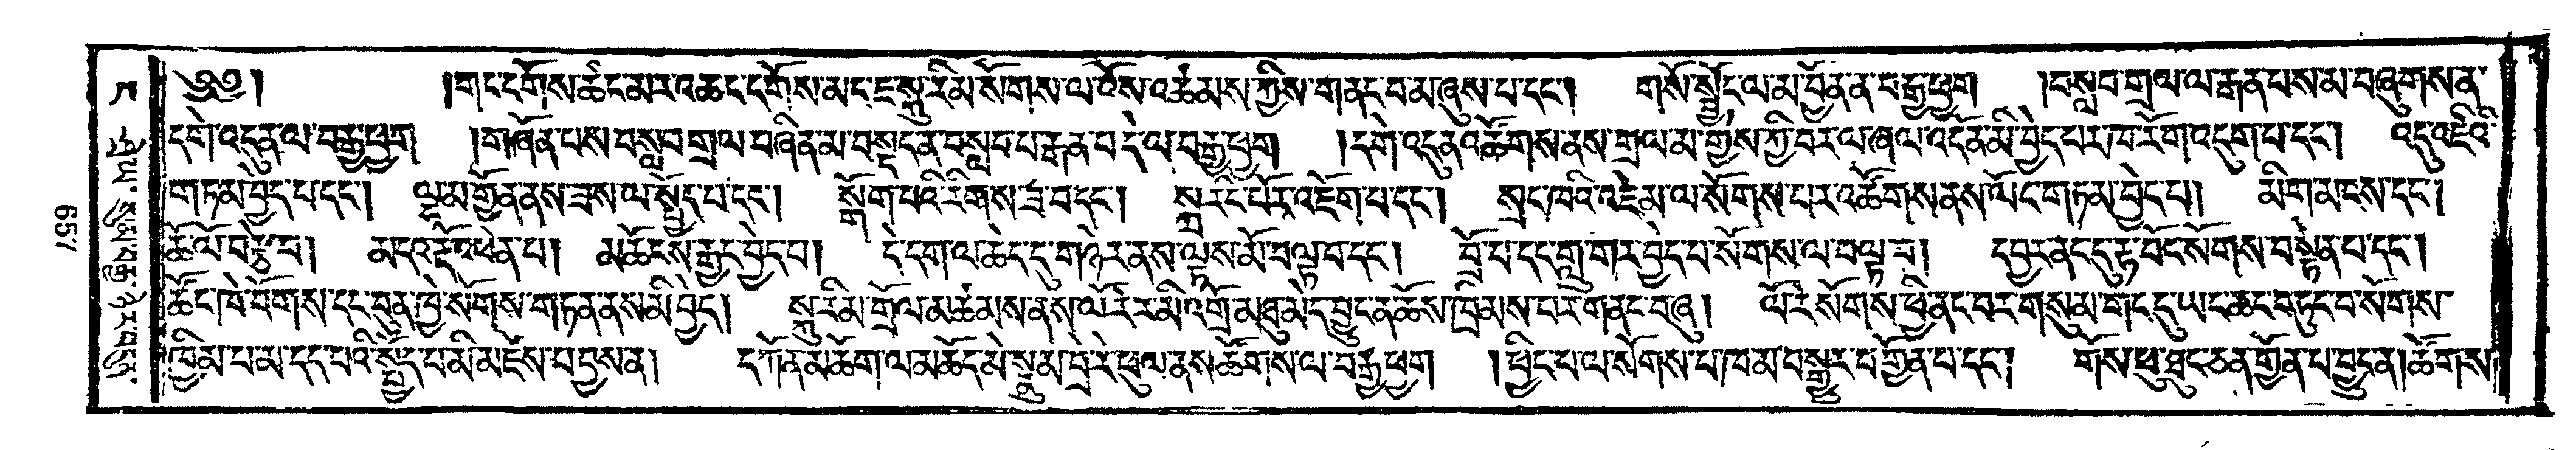༄༅། །གང་དགོས་ཚང་མར་འཆང་དགོས་མང་ཇ་སྐུ་རིམ་སོགས་ལ་འོས་འཚམས་ཀྱིས་གནང་བ་མ་ཞུས་པ་དང་། གསོ་སྦྱོང་ལ་མ་བྱོན་ན་བརྒྱ་ཕྱག །བསླབ་གྲལ་ལ་རྒན་པས་མ་བཞུགས་ན་
དགེ་འདུན་ལ་བརྒྱ་ཕྱག །གཞོན་པས་བསླབ་གྲལ་བཞིན་མ་བསྡད་ན་བསླབ་པ་རྒན་པ་དེ་ལ་བརྒྱ་ཕྱག །དགེ་འདུན་འཚོགས་ནས་གྲལ་མ་གྱེས་གྱི་བར་ལ་ཞལ་འདོན་མི་བྱེད་པར་ཁ་རོག་འདུག་པ་དང་། འདུ་འཇིའི་
གཏམ་བྱེད་པ་དང་། ལྷ་མ་གྱོན་ནས་ཟས་ལ་སྤྱོད་པ་དང་། སྒོག་པའི་རིགས་ཟ་བ་དང་། སྐྲ་རིང་པོར་འཇོག་པ་དང་། སྲང་ཁའི་འཇེམ་ལ་སོགས་པར་འཚོགས་ནས་ལོང་གཏམ་བྱེད་པ། མིག་མངས་དང་།
ཆོ་ལོ་བརྩེབ། མདའ་རྡོ་འཕེན་པ། མཆོངས་རྒྱང་བྱེད་པ། དེ་དག་ལ་ཆེད་དུ་གཉེར་ནས་ལྟས་མོ་བལྟ་བ་དང་། བྲོ་པ་དང་གླུ་གར་བྱེད་པ་སོགས་ལ་བལྟ་བ། དབྱར་ནང་དུ་རྟ་བོང་སོགས་བསྟེན་པ་དང་།
ཚོང་ཁེ་བོགས་དང་བུན་ཁྱེ་སོགས་གཏན་ནས་མི་བྱེད། སྐུ་རིམ་གྲོལ་མཚམས་ནས་ལོ་རེར་མི་འགྲོ་མཐུ་མེད་བྱུང་ན་ཆོས་ཁྲིམས་པར་གནང་བ་ཞུ། ལོ་རེ་སོགས་ཕྱི་ནང་བར་གསུམ་གང་དུ་ཡང་ཆང་བཏུང་བ་སོགས་
ཁྱིམ་པ་མ་དད་པའི་སྤྱོད་པ་མི་མཛེས་པ་བྱས་ན། དཀོན་མཆོག་ལ་མཆོད་མེ་སྣུམ་བྲེ་རེ་ཕུལ་ནས་ཚོགས་ལ་བརྒྱ་ཕྱག །ཕྱིང་པ་ལ་སོགས་པ་ཁ་མ་བསྒྱུར་བ་གྱོན་པ་དང་། གོས་ཕུ་ཐུང་ཅན་གྱོན་པ་བྱུང་ན། ཚོགས་